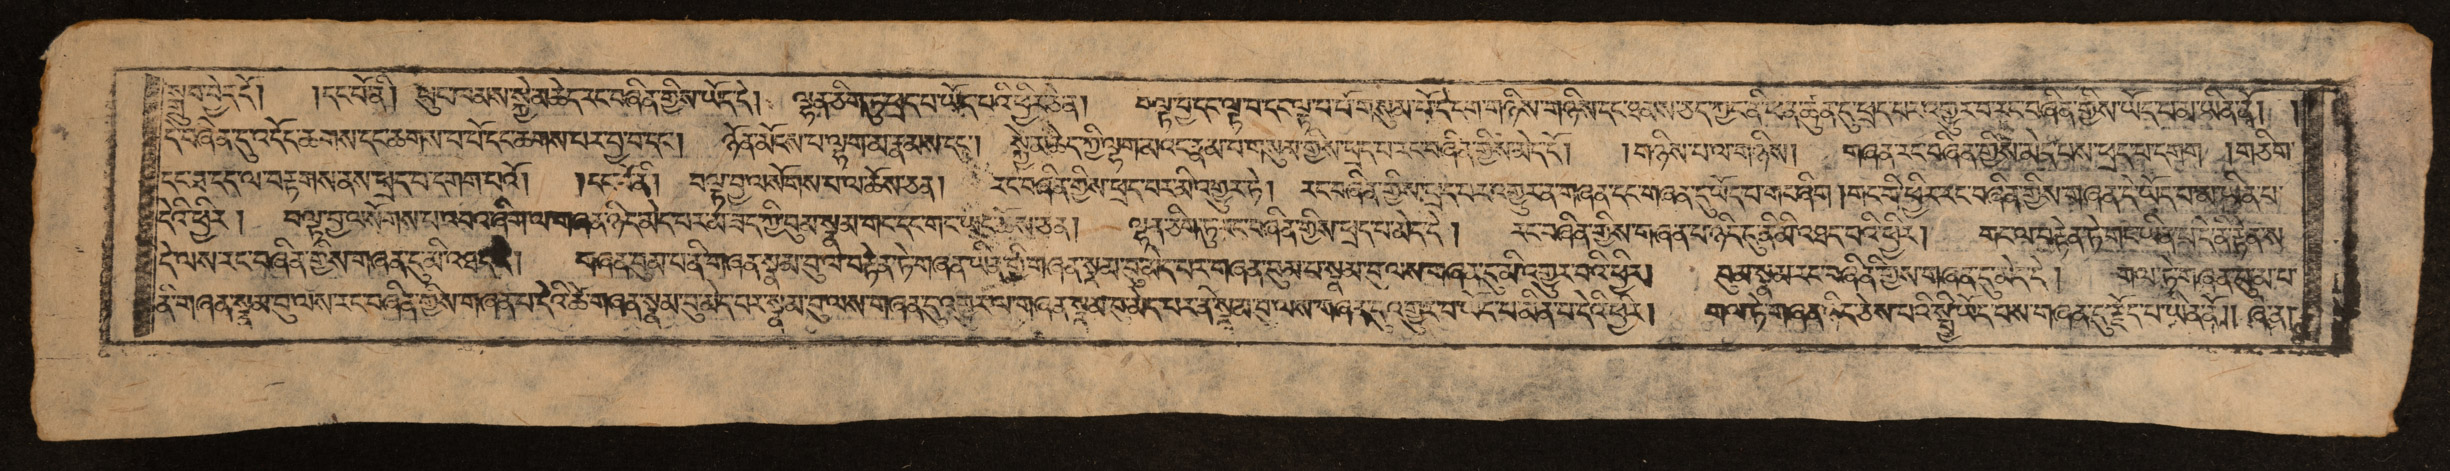སྒྲུབ་བྱེད་དོ། །དང་པོ་ནི། ཕུང་ཁམས་སྐྱེ་མཆེད་རང་བཞིན་གྱིས་ཡོད་དེ། ལྷན་ཅིག་ཏུ་ཕྲད་པ་ཡོད་པའི་ཕྱིར་ཅེ་ན། བལྟ་བྱ་དང་ལྟ་བ་དང་ལྟ་བ་པོ་གསུམ་པོ་དེ་དག་གཉིས་གཉིས་དང་ཐམས་ཅད་ཀྱང་ནི་ཕན་ཚུན་དུ་ཕྲད་པར་འགྱུར་བ་རང་བཞིན་གྱིས་ཡོད་པ་མ་ཡིན་ནོ། །
དེ་བཞིན་དུ་འདོད་ཆགས་དང་ཆགས་པ་པོ་དང་ཆགས་པར་བྱ་བ་དང་། ཉོན་མོངས་པ་ལྷག་མ་རྣམས་དང་། སྐྱེ་མཆེད་ཀྱི་ལྷག་མའང་རྣམ་པ་གསུམ་གྱིས་ཕྲད་བ་རང་བཞིན་གྱིས་མེད་དོ། །གཉིས་པ་ལ་གཉིས། གཞན་རང་བཞིན་གྱིས་མེད་པས་ཕྲད་པ་དགག །གཅིག་
དང་ཐ་དད་ལ་བརྟགས་ནས་ཕྲད་པ་དགག་པའོ། །དང་པོ་ནི། བལྟ་བྱ་ལ་སོགས་པ་ལ་ཆོས་ཅན། རང་བཞིན་གྱིས་ཕྲད་པར་མི་འགྱུར་ཏེ། རང་བཞིན་གྱིས་ཕྲད་པར་འགྱུར་ན་གཞན་དང་གཞན་དུ་ཡོད་པ་གང་ཞིག །གང་གི་ཕྱིར་རང་བཞིན་གྱིས་གཞན་དེ་ཡོད་པ་མ་ཡིན་པ་
དེའི་ཕྱིར། བལྟ་བྱ་ལ་སོགས་པ་འབའ་ཞིག་ལ་གཞན་ཉིད་མེད་པར་མ་ཟད་ཀྱི་བུམ་སྣམ་གང་དང་གང་ཡང་ཆོས་ཅན། ལྷན་ཅིག་ཏུ་རང་བཞིན་གྱིས་ཕྲད་པ་མེད་དེ། རང་བཞིན་གྱིས་གཞན་པ་ཉིད་དུ་ནི་མི་འཐད་པའི་ཕྱིར། གང་ལ་བརྟེན་ཏེ་གང་ཡིན་པ་དེ་ནི་རྟེན་ས་
དེ་ལས་རང་བཞིན་གྱིས་གཞན་དུ་མི་འཐད་དེ། གཞན་བུམ་པ་ནི་གཞན་སྣམ་བུ་ལ་བརྟེན་ཏེ་གཞན་ཡིན་གྱི་གཞན་སྣམ་བུ་མེད་པར་གཞན་བུམ་པ་སྣམ་བུ་ལས་གཞན་དུ་མི་འགྱུར་བའི་ཕྱིར། བུམ་སྣམ་རང་བཞིན་གྱིས་གཞན་དུ་མེད་དེ། གལ་ཏེ་གཞན་བུམ་པ་
ནི་གཞན་སྣམ་བུ་ལས་རང་བཞིན་གྱིས་གཞན་པ་དེའི་ཚེ་གཞན་སྣམ་བུ་མེད་པར་སྣམ་བུ་ལས་གཞན་དུ་འགྱུར་ལ་གཞན་སྣམ་བུ་མེད་པར་ནི་སྣམ་བུ་ལས་གཞན་དུ་འགྱུར་བ་ཡོད་པ་མིན་པ་དེའི་ཕྱིར། གལ་ཏེ་གཞན་ཉིད་ཅེས་པའི་སྤྱི་ཡོད་པས་གཞན་དུ་རྗོད་པ་ཡིན་ནོ། །ཞེ་ན།